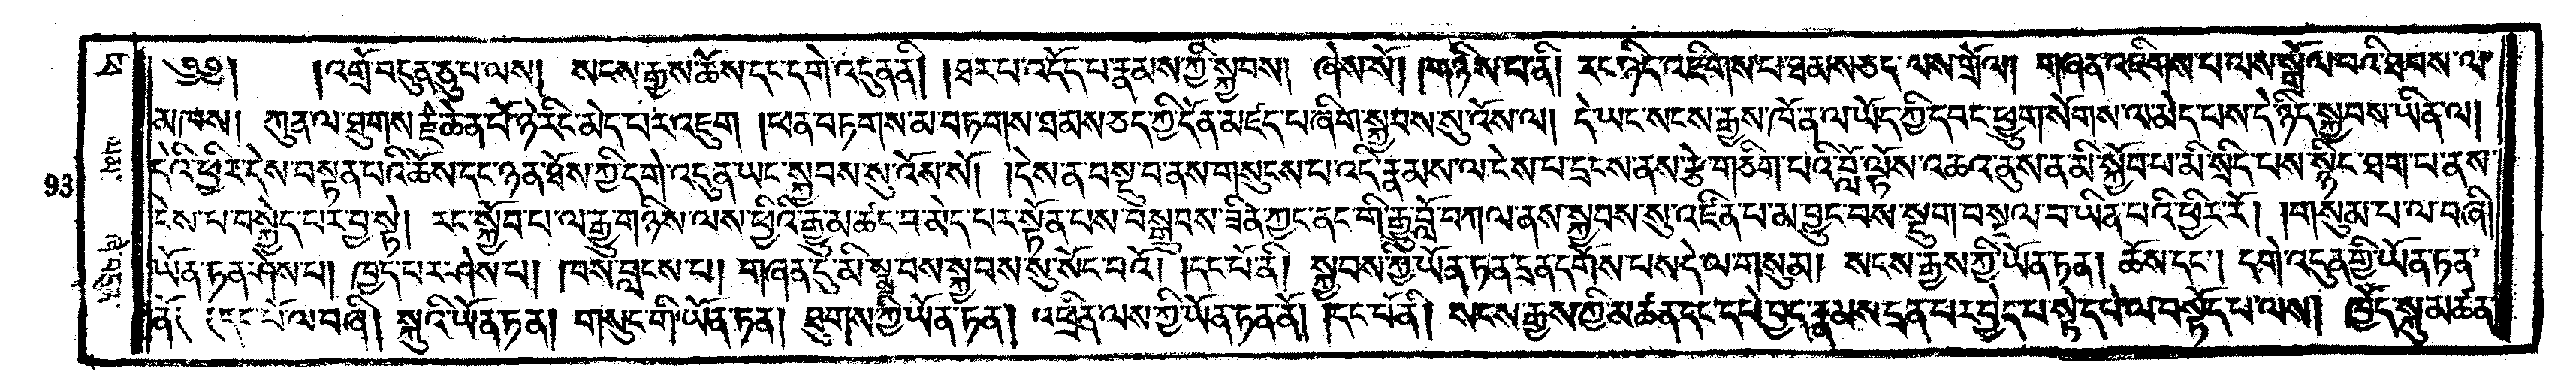༄༅། །འགྲོ་བདུན་ཅུ་པ་ལས། སངས་རྒྱས་ཆོས་དང་དགེ་འདུན་ནི། །ཐར་པ་འདོད་པ་རྣམས་ཀྱི་སྐྱབས། ཞེས་སོ། །གཉིས་པ་ནི། རང་ཉིད་འཇིགས་པ་ཐམས་ཅད་ལས་འགྲོལ། གཞན་འཇིགས་པ་ལས་སྒྲོལ་བའི་ཐབས་ལ་
མཁས། ཀུན་ལ་ཐུགས་རྗེ་ཆེན་པོ་ཉེ་རིང་མེད་པར་འཇུག །ཕན་བཏགས་མ་བཏགས་ཐམས་ཅད་ཀྱི་དོན་མཛད་པ་ཞིག་སྐྱབས་སུ་འོས་ལ། དེ་ཡང་སངས་རྒྱས་ཁོ་ན་ལ་ཡོད་ཀྱི་དབང་ཕྱུག་སོགས་ལ་མེད་པས་དེ་ཉིད་སྐྱབས་ཡིན་ལ།
དེའི་ཕྱིར་དེས་བསྟན་པའི་ཆོས་དང་ཉན་ཐོས་ཀྱི་དགེ་འདུན་ཡང་སྐྱབས་སུ་འོས་སོ། །དེས་ན་བསྡུ་བ་ནས་གསུངས་པ་འདི་རྣམས་ལ་ངེས་པ་དྲངས་ནས་རྩེ་གཅིག་པའི་བློ་ལྟོས་འཆའ་ནུས་ན་མི་སྐྱོབ་པ་མི་སྲིད་པས་སྙིང་ཐག་པ་ནས་
ངེས་པ་བསྐྱེད་པར་བྱ་སྟེ། རང་སྐྱོབ་པ་ལ་རྒྱུ་གཉིས་ལས་ཕྱིའི་རྒྱུ་མ་ཚང་བ་མེད་པར་སྟོན་པས་བསྒྲུབས་ཟིན་ཀྱང་ནང་གི་རྒྱུ་བློ་བཀལ་ནས་སྐྱབས་སུ་འཛིན་པ་མ་བྱུང་བས་སྡུག་བསྔལ་བ་ཡིན་པའི་ཕྱིར་རོ། །གསུམ་པ་ལ་བཞི།
ཡོན་ཏན་ཤེས་པ། ཁྱད་པར་ཤེས་པ། ཁས་བླངས་པ། གཞན་དུ་མི་སྨྲ་བས་སྐྱབས་སུ་སོང་བའོ། །དང་པོ་ནི། སྐྱབས་ཀྱི་ཡོན་ཏན་དྲན་དགོས་པས་དེ་ལ་གསུམ། སངས་རྒྱས་ཀྱི་ཡོན་ཏན། ཆོས་དང་།དགེ་འདུན་གྱི་ཡོན་ཏན་
ནོ༑ ༑དང་པོ་ལ་བཞི། སྐུའི་ཡོན་ཏན། གསུང་གི་ཡོན་ཏན། ཐུགས་ཀྱི་ཡོན་ཏན། འཕྲིན་ལས་ཀྱི་ཡོན་ཏན་ནོ། །དང་པོ་ནི། སངས་རྒྱས་ཀྱི་མཚན་དང་དཔེ་བྱད་རྣམས་དྲན་པར་བྱེད་པ་སྟེ་དཔེ་ལ་བསྟོད་པ་ལས། ཁྱོད་སྐུ་མཚན་